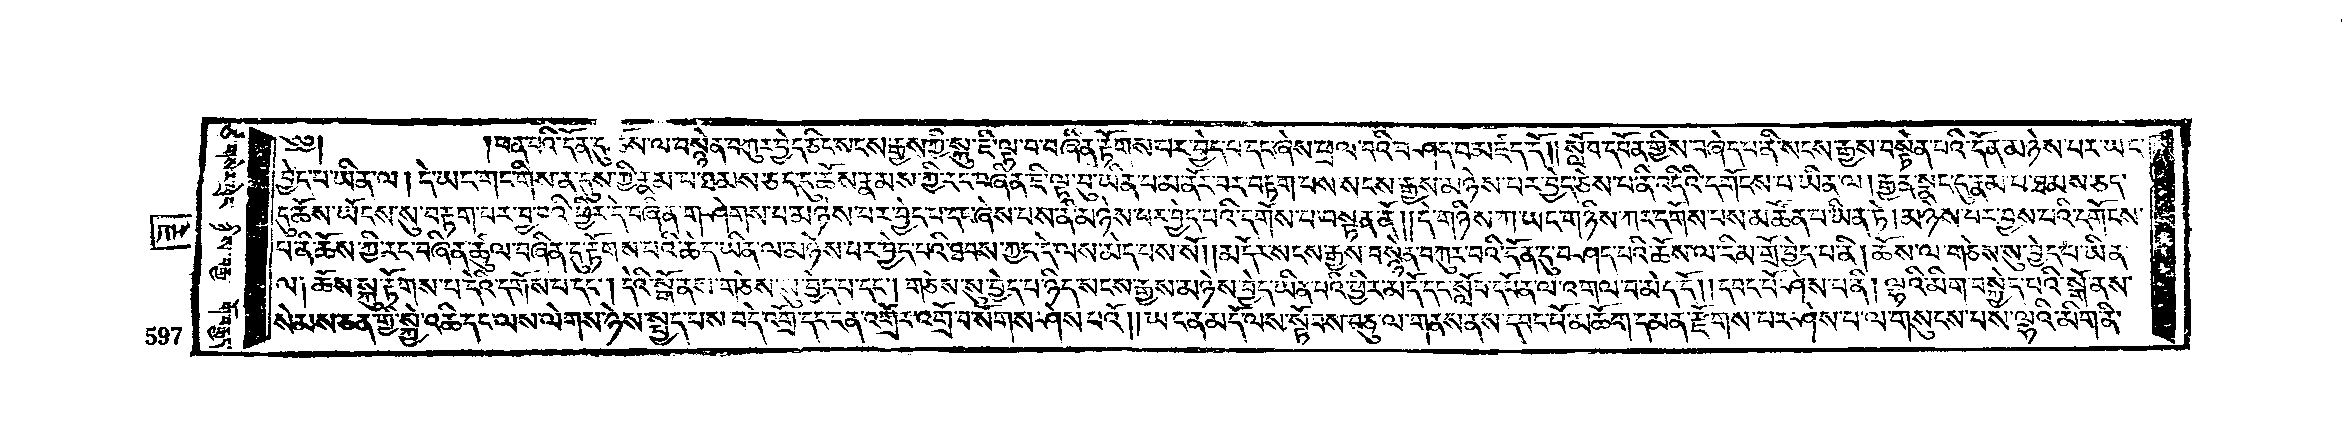༄༅། །ཕན་པའི་དོན་དུ་ཆོས་ལ་བསྙེན་བཀུར་བྱེད་ཅིང་སངས་རྒྱས་ཀྱི་སྐུ་ཇི་ལྟ་བ་བཞིན་རྟོགས་པར་བྱེད་པ་དང་ཞེས་ཕྲལ་བའི་བཤད་པ་མཛད་དོ། །སློབ་དཔོན་གྱིས་བཞེད་པ་ནི་སངས་རྒྱས་བསྟེན་པའི་དོན་མཉེས་པར་ཡང་
བྱེད་པ་ཡིན་ལ། དེ་ཡང་གང་གིས་ན་དུས་ཀྱི་རྣམ་པ་ཐམས་ཅད་དུ་ཆོས་རྣམས་ཀྱི་རང་བཞིན་ཇི་ལྟ་བུ་ཡིན་པ་མ་ནོར་བར་བརྟག་པས་སངས་རྒྱས་མཉེས་པར་བྱེད་ཅེས་པ་ནི་འདིའི་དགོངས་པ་ཡིན་ལ། རྒྱན་སྣང་དུ་རྣམ་པ་ཐམས་ཅད་
དུ་ཆོས་ཡོངས་སུ་བརྟག་པར་བྱ་བའི་ཕྱིར་དེ་བཞིན་གཤེགས་པ་མཉེས་པར་བྱེད་པ་དང་ཞེས་པས་ནི་མཉེས་པར་བྱེད་པའི་དགོས་པ་བསྟན་ནོ། །དེ་གཉིས་ཀ་ཡང་གཉིས་ཀར་དགོས་པས་མཚོན་པ་ཡིན་ཏེ། མཉེས་པར་བྱས་པའི་དགོངས་
པ་ནི་ཆོས་ཀྱི་རང་བཞིན་ཚུལ་བཞིན་དུ་རྟོགས་པའི་ཆེད་ཡིན་ལ་མཉེས་པར་བྱེད་པའི་ཐབས་ཀྱང་དེ་ལས་མེད་པས་སོ། །མདོར་སངས་རྒྱས་བསྙེན་བཀུར་བའི་དོན་དུ་བཤད་པའི་ཆོས་ལ་རིམ་གྲོ་བྱེད་པ་ནི། ཆོས་ལ་གཅེས་སུ་བྱེད་པ་ཡིན་
ལ། ཆོས་སྐུ་རྟོགས་པ་དེའི་དགོས་པ་དང་། དེའི་སྒོ་ནས་གཅེས་སུ་བྱེད་པ་དང་། གཅེས་སུ་བྱེད་པ་ཉིད་སངས་རྒྱས་མཉེས་བྱེད་ཡིན་པའི་ཕྱིར་མདོ་དང་སློབ་དཔོན་ལ་འགལ་བ་མེད་དོ། །དབང་པོ་ཤེས་པ་ནི། ལྷའི་མིག་བསྐྱེད་པའི་སྒོ་ནས་
སེམས་ཅན་གྱི་སྐྱེ་འཆི་དང་ལས་ལེགས་ཉེས་སྤྱད་པས་བདེ་འགྲོ་དང་ངན་འགྲོར་འགྲོ་བ་སོགས་ཤེས་པའོ། །ཡང་ན་མདོ་ལས་སྟོབས་བཅུ་ལ་གནས་ནས་དབང་པོ་མཆོག་དམན་རྫོགས་པར་ཤེས་པ་ལ་གསུངས་པས་ལྷའི་མིག་ནི་